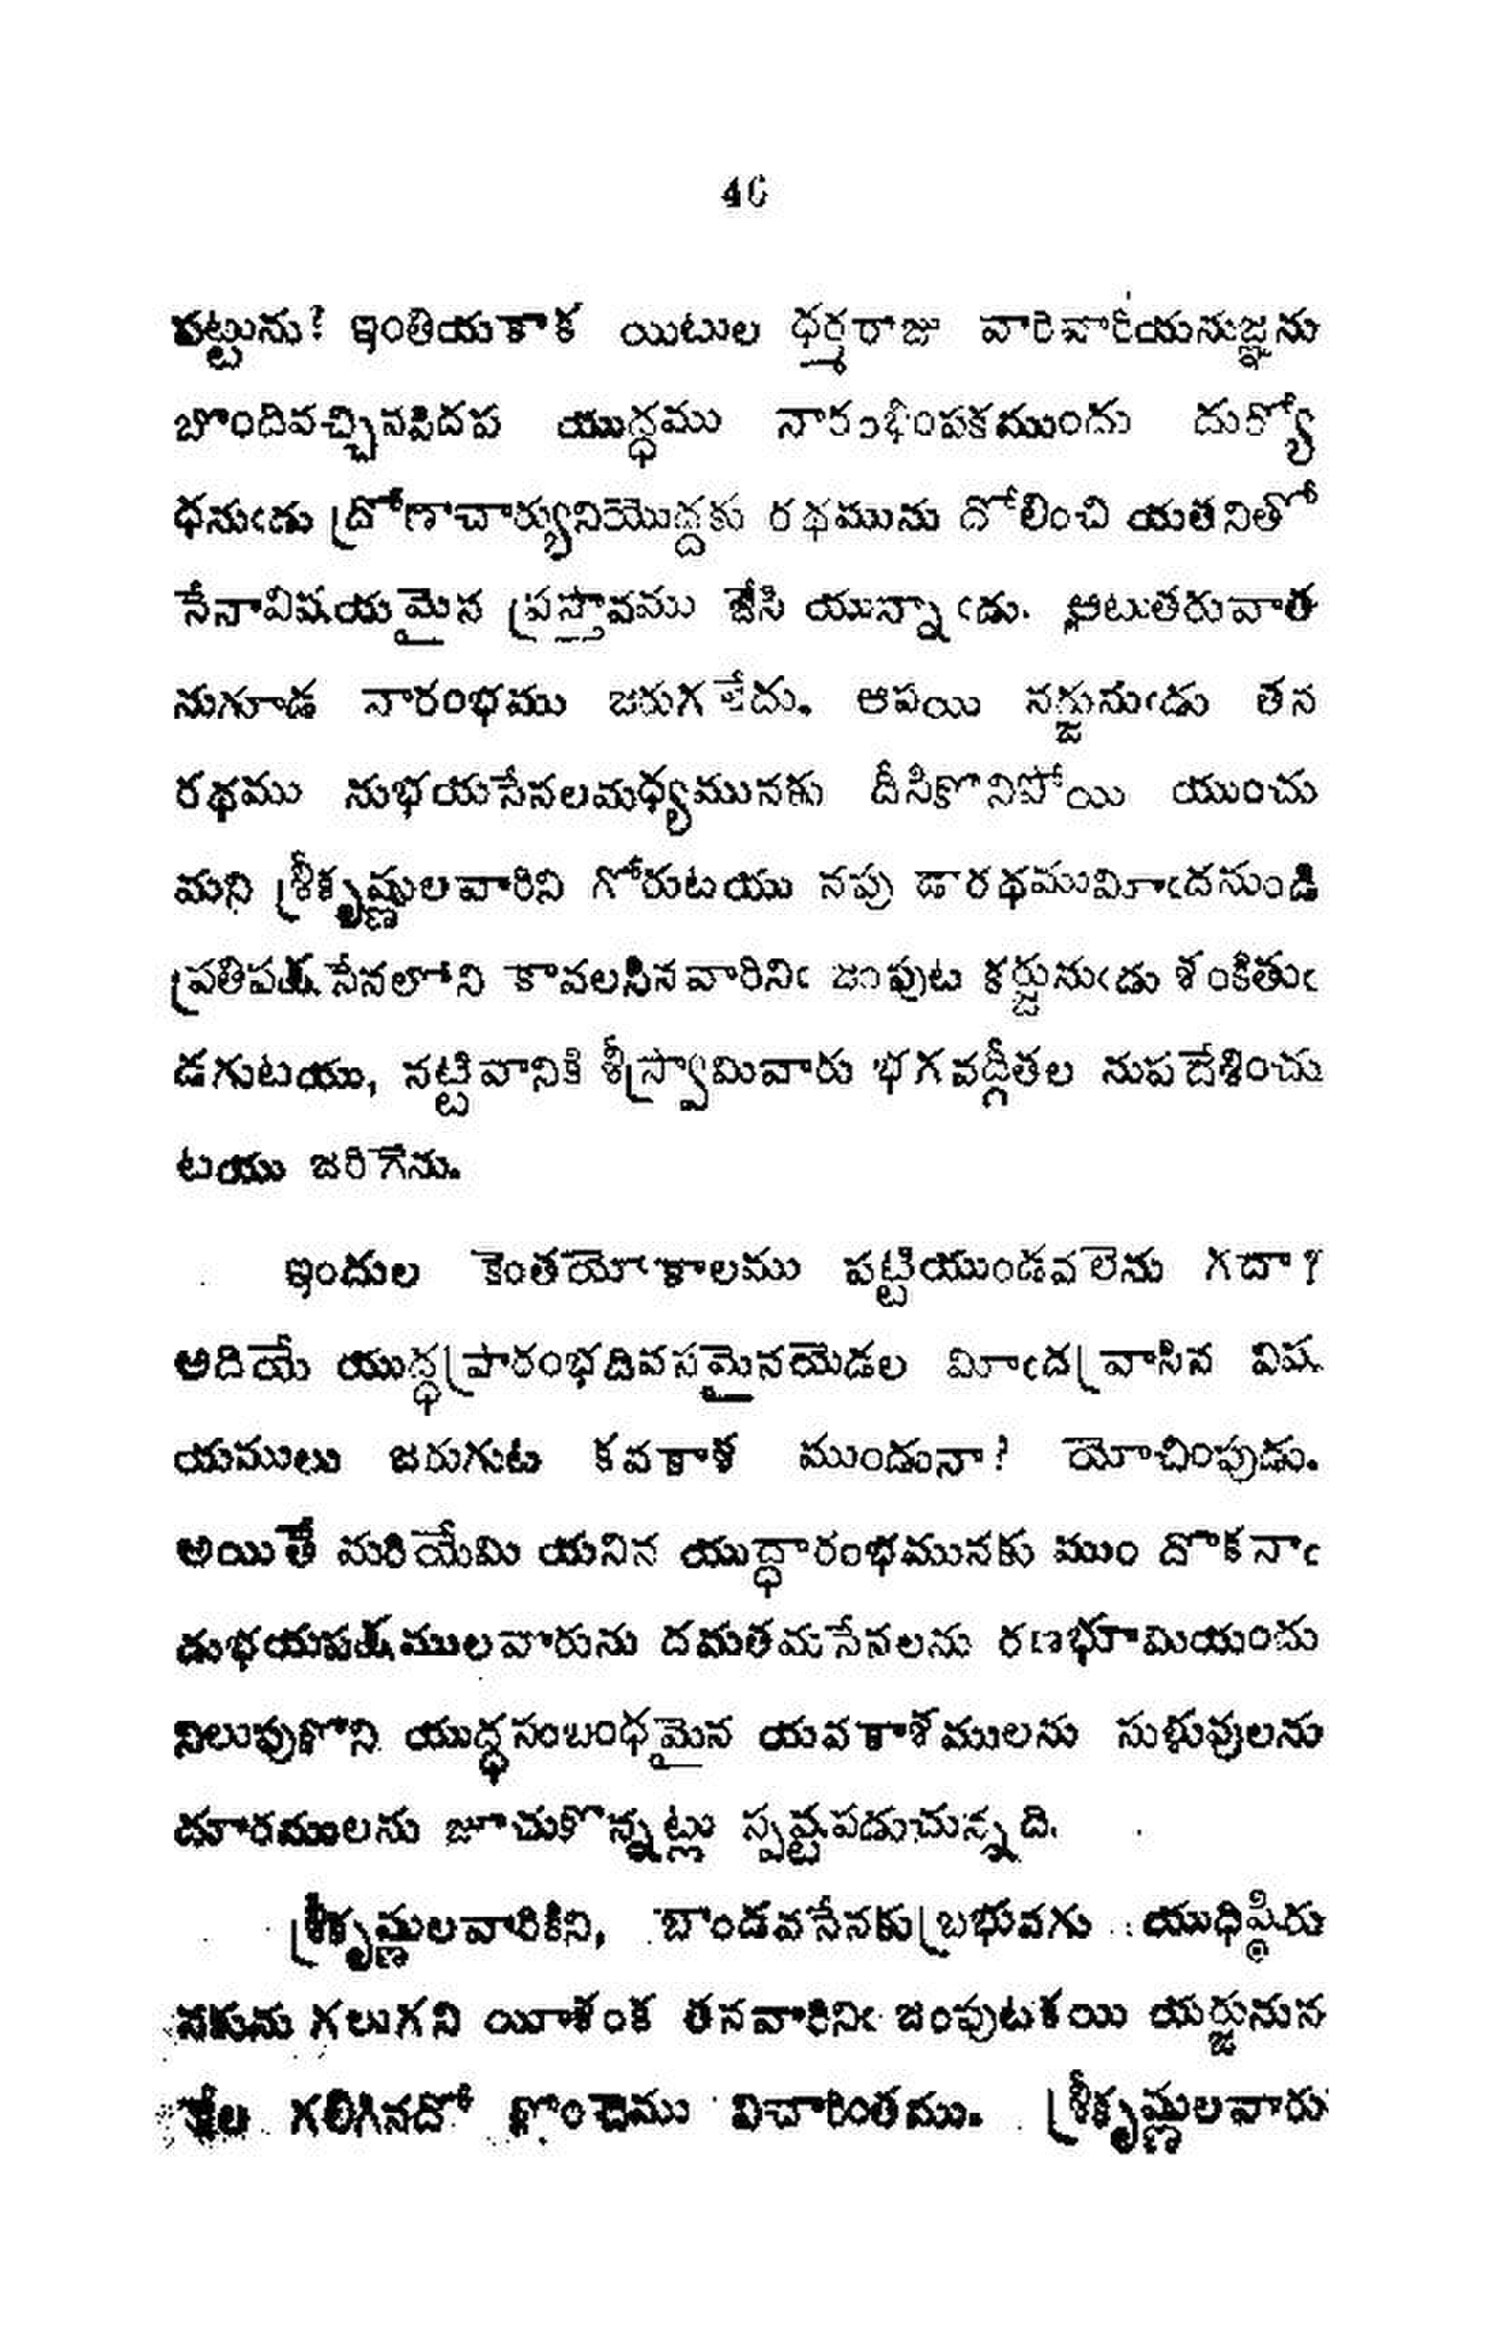పట్టును? ఇంతియకాక యిటుల ధర్మరాజు వారివారియనుజ్ఞను బొందివచ్చినపిదప యుద్ధము నారంభింపకముందు దుర్యోధనుఁడు ద్రోణాచార్యునియొద్దకు రథమును దోలించి యతనితో
సేనావిషయమైన ప్రస్తావము జేసి యున్నాఁడు. అటుతరువాతనుగూడ నారంభము జరుగలేదు. ఆపయి నర్జునుఁడు తన రథము నుభయసేనలమధ్యమునకు దీసికొనిపోయి యుంచుమని శ్రీకృష్ణులవారిని గోరుటయు నపు డారథముమీఁదనుండి ప్రతిపక్షసేనలోని కావలసినవారినిఁ జంపుట కర్జునుఁడు శంకితుఁ డగుటయు, నట్టివానికి శ్రీస్వామివారు భగవద్గీతల నుపదేశించుటయు జరిగెను.

ఇందుల కెంతయోకాలము పట్టియుండవలెను గదా! అదియే యుద్ధప్రారంభదివసమైనయెడల మీఁదవ్రాసిన విషయములు జరుగుట కవకాశ ముండునా ! యోచింపుడు. అయితే మరియేమి యనిన యుద్ధారంభమునకు ముం దొకనాఁ డుభయపక్షములవారును దమతమసేనలను రణభూమియందు నిలుపుకొని యుద్ధసంబంధమైన యవకాశములను సుళువులను దూరములను జూచుకొన్నట్లు స్పష్టపడుచున్నది.

శ్రీకృష్ణులవారికిని, బాండవసేనకుబ్రభువగు యుధిష్ఠిరునకును గలుగని యీశంక తనవారినిఁ జంపుటకయి యర్జునున కేల గలిగినదో కొంచెము విచారింతము. శ్రీకృష్ణులవారు